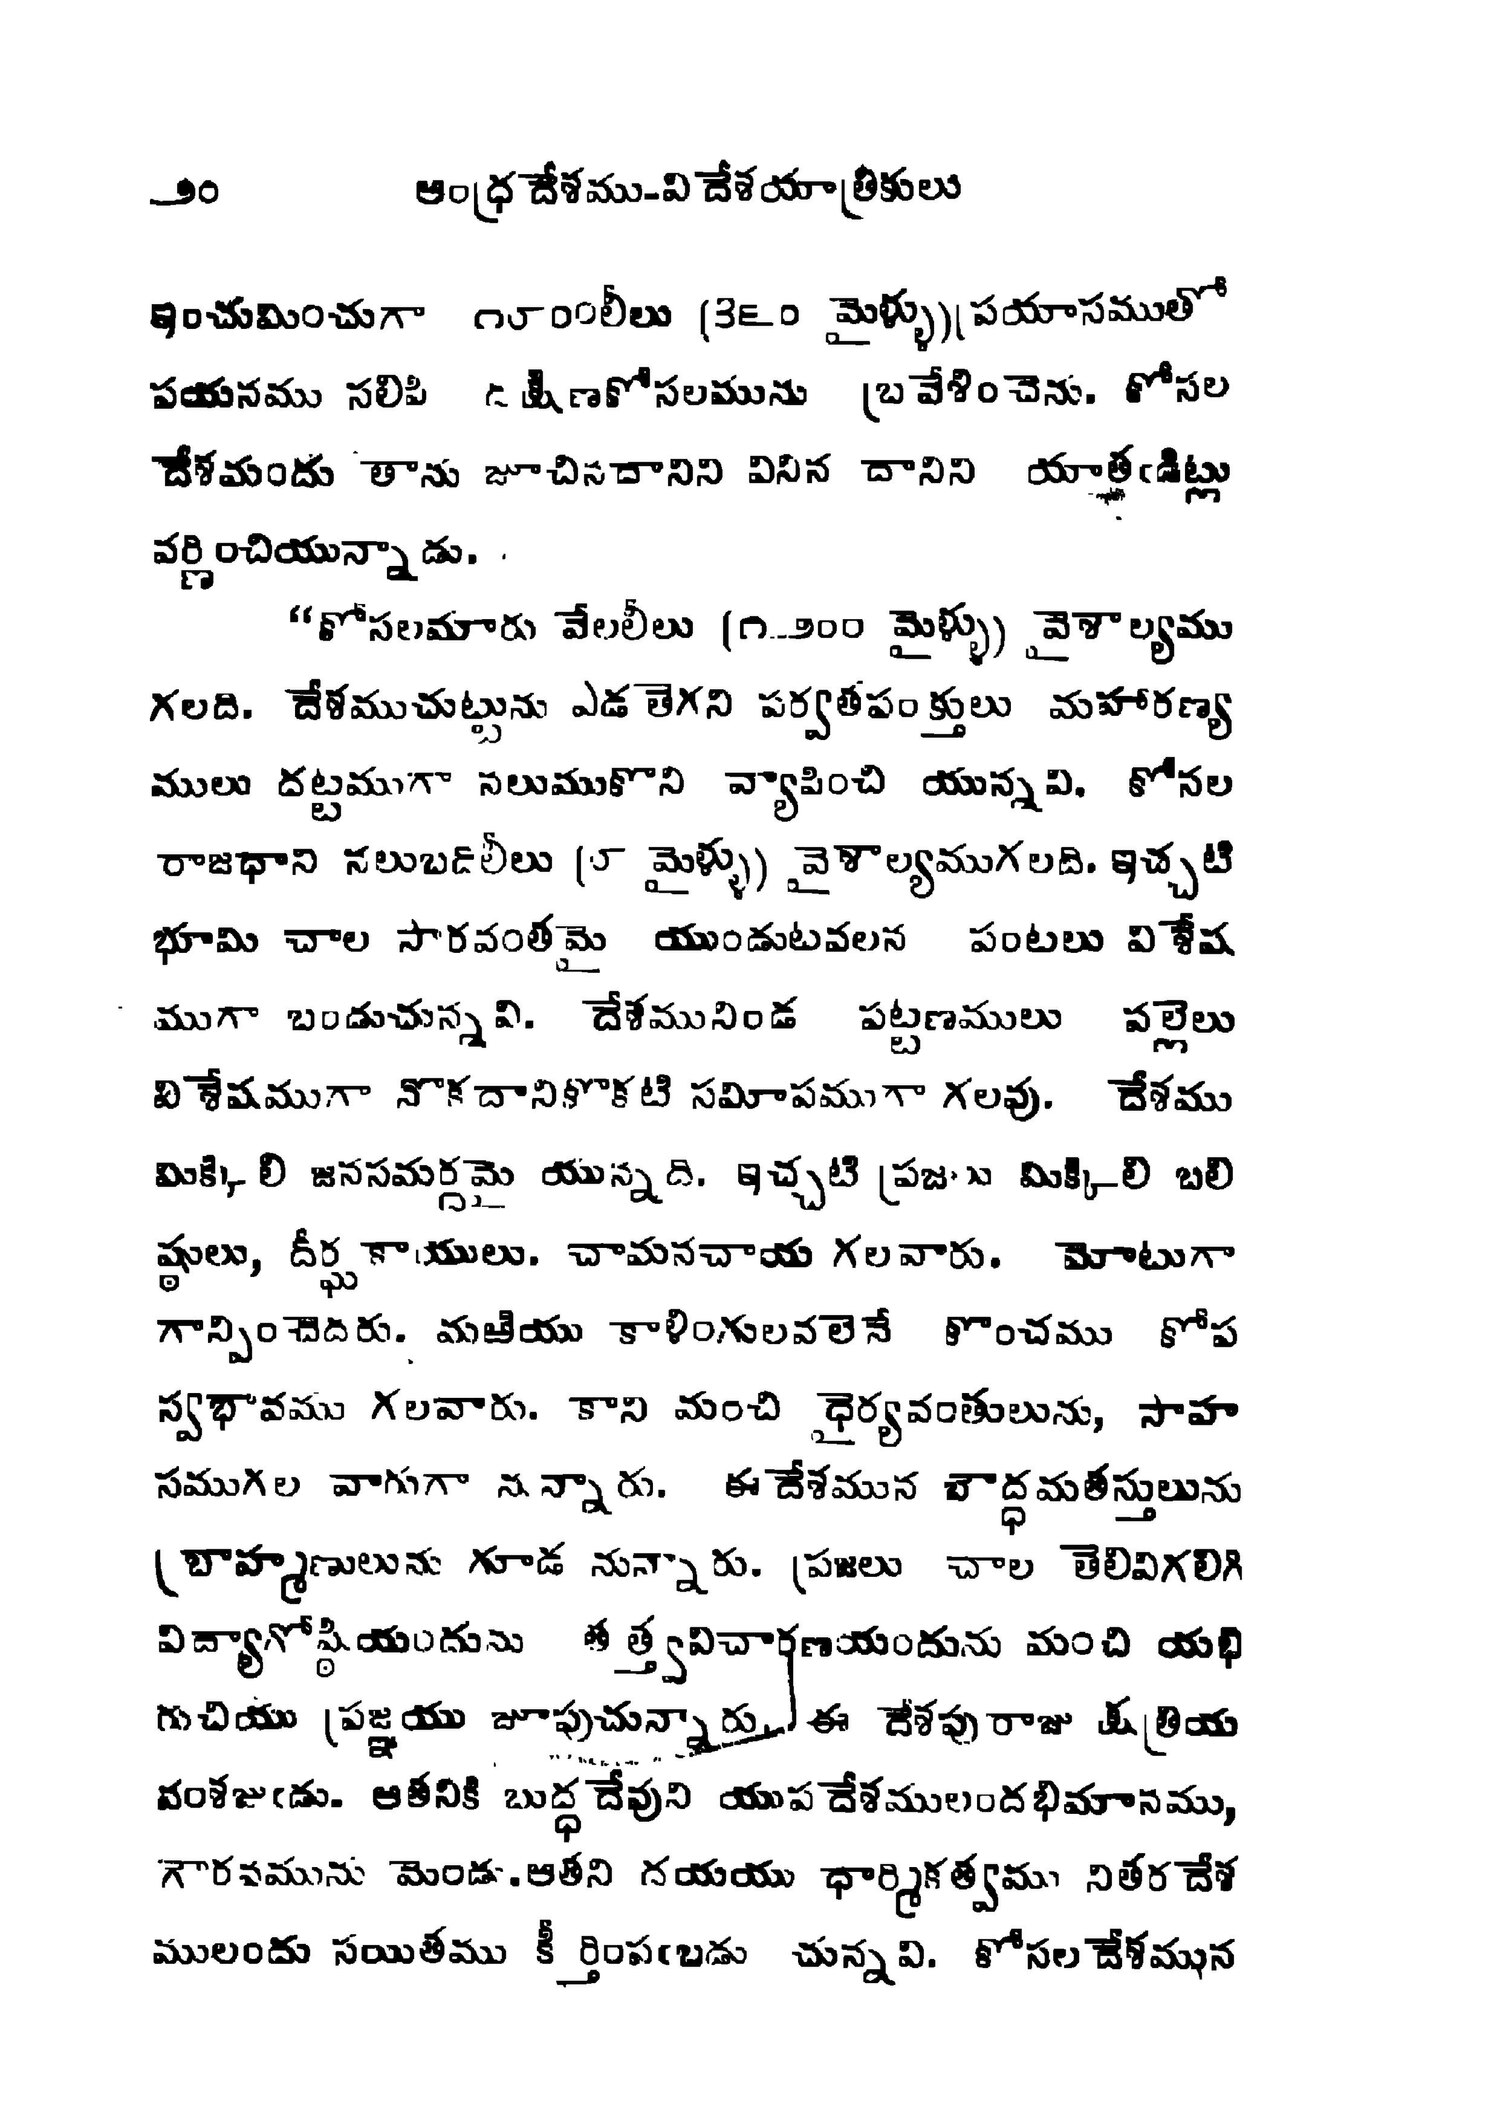ఇంచుమించుగా ౧౮౦౦లీలు (౩౬౦ మైళ్ళు) ప్రయాసముతో పయనము సలిపి దక్షిణకోసలమును బ్రవేశించెను. కోసలదేశమందు తాను జూచినదానిని వినిన దానిని యతడిట్లు వర్ణించియున్నాడు.

"కోసలమారువేల లీలు (౧౨౦౦ మైళ్ళు) వైశాల్యము గలది. దేశముచుట్టు ఎడతెగని పర్వతపంక్తుకు మహారణ్యములు దట్టముగా నలుముకొని వ్యాపించి యున్నవి. కోసల రాజధాని నలుబదిలీలు (౮ మైళ్ళు) వైశాల్యము గలది. ఇచ్చటి భూమి చాలా సారవంతమై యుండుట వలన పంటలు విశేషముగా బండుచున్నవి. దేశము నిండ పట్టణములు పల్లెలు విశేషముగా నొకదానికొకటి సమిాపముగా గలవు. దేశము మిక్కిలి జనసమర్దమై యున్నది. ఇచ్చటి ప్రజలు మిక్కిలి బలిష్టులు, దీర్ఘకాయులు, చామనచాయ గలవారు. మోటుగా గాన్పించెదరు. మఱియు కాళింగులవలేనే కొంచెము కోప స్వభావము గలవారు. కాని మంచి ధైర్యవంతులును, సాహాసముగల వారుగా నున్నారు. ప్రజలు చాల తెలివిగలిగి విద్యాగోష్టియందును తత్వ విచారణయందును మంచి యభిరుచియు ప్రజ్ఞయు జూపుచున్నారు. ఈ దేశపురాజు క్షత్రియ వంశజుడు. అతనికి బుద్ధదేవుని యుపదేములందభిమానము, గౌరవమును మెండు. అతని దయయు ధార్మికత్వము నితరదేశములందు సయితము కీర్తింపబడు చున్నవి. కోసల దేశమున